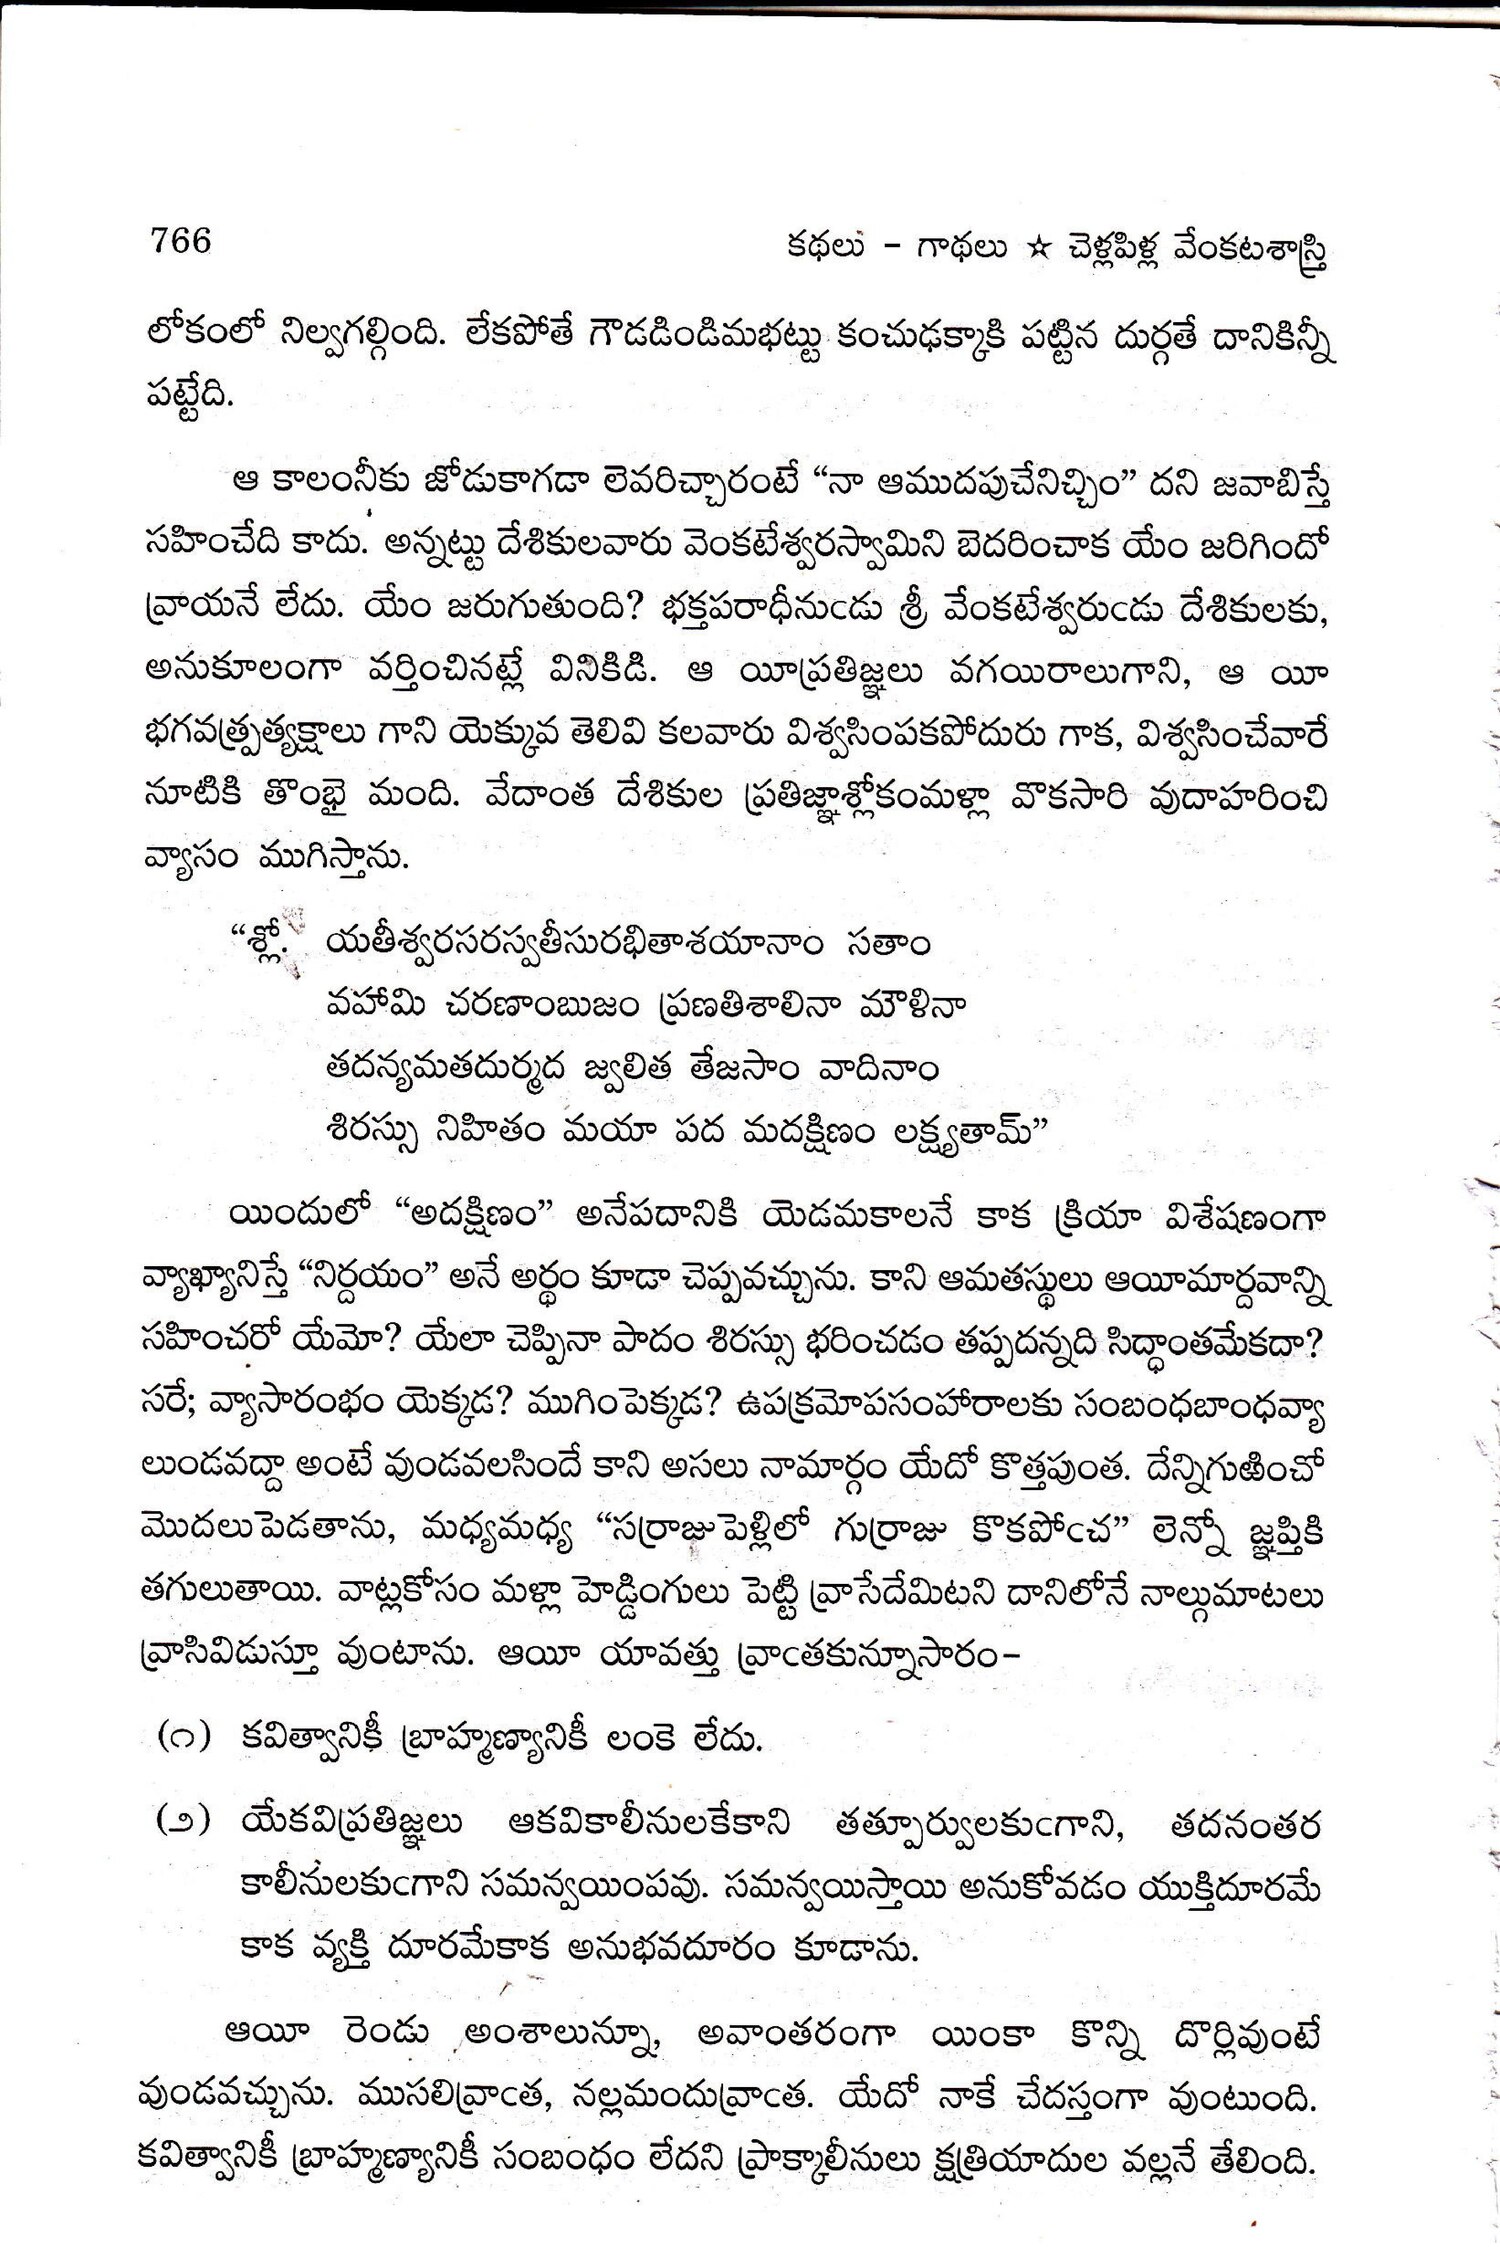లోకంలో నిల్వగల్గింది. లేకపోతే గౌడడిండిమభట్టు కంచుఢక్కాకి పట్టిన దుర్గతే దానికిన్నీ పట్టేది.

ఆ కాలంనీకు జోడుకాగడా లెవరిచ్చారంటే "నా ఆముదపుచేనిచ్చిం" దని జవాబిస్తే సహించేది కాదు. అన్నట్టు దేశికులవారు వెంకటేశ్వరస్వామిని బెదరించాక యేం జరిగిందో వ్రాయనే లేదు. యేం జరుగుతుంది? భక్తపరాధీనుఁడు శ్రీ వేంకటేశ్వరుఁడు దేశికులకు, అనుకూలంగా వర్తించినట్లే వినికిడి. ఆ యీప్రతిజ్ఞలు వగయిరాలుగాని, ఆ యీ భగవత్ర్పత్యక్షాలు గాని యెక్కువ తెలివి కలవారు విశ్వసింపకపోదురు గాక, విశ్వసించేవారే నూటికి తొంభై మంది. వేదాంత దేశికుల ప్రతిజ్ఞాశ్లోకంమళ్లా వొకసారి వుదాహరించి వ్యాసం ముగిస్తాను.

"శ్లో. యతీశ్వరసరస్వతీసురభితాశయానాం సతాం
 వహామి చరణాంబుజం ప్రణతిశాలినా మౌళినా 
 తదన్యమతదుర్మద జ్వలిత తేజసాం వాదినాం 
 శిరస్సు నిహితం మయా పద మదక్షిణం లక్ష్యతామ్"
యిందులో “అదక్షిణం" అనేపదానికి యెడమకాలనే కాక క్రియా విశేషణంగా వ్యాఖ్యానిస్తే "నిర్దయం” అనే అర్థం కూడా చెప్పవచ్చును. కాని ఆమతస్థులు ఆయీమార్దవాన్ని సహించరో యేమో? యేలా చెప్పినా పాదం శిరస్సు భరించడం తప్పదన్నది సిద్ధాంతమేకదా? సరే; వ్యాసారంభం యెక్కడ? ముగింపెక్కడ? ఉపక్రమోపసంహారాలకు సంబంధబాంధవ్యా లుండవద్దా అంటే వుండవలసిందే కాని అసలు నామార్గం యేదో కొత్తపుంత. దేన్నిగుఱించో మొదలుపెడతాను, మధ్యమధ్య “సర్రాజు పెళ్లిలో గుర్రాజు కొకపోఁచ" లెన్నో జ్ఞప్తికి తగులుతాయి. వాట్లకోసం మళ్లా హెడ్డింగులు పెట్టి వ్రాసేదేమిటని దానిలోనే నాల్గుమాటలు వ్రాసివిడుస్తూ వుంటాను. ఆయీ యావత్తు వ్రాఁతకున్నూసారం

(1) కవిత్వానికీ బ్రాహ్మణ్యానికీ లంకె లేదు. 

(2) యేకవిప్రతిజ్ఞలు ఆకవికాలీనులకేకాని తత్పూర్వులకుఁగాని, తదనంతర కాలీనులకుఁగాని సమన్వయింపవు. సమన్వయిస్తాయి అనుకోవడం యుక్తిదూరమే కాక వ్యక్తి దూరమేకాక అనుభవదూరం కూడాను. 

ఆయీ రెండు అంశాలున్నూ అవాంతరంగా యింకా కొన్ని దొర్లివుంటే వుండవచ్చును. ముసలివ్రాఁత, నల్లమందు వ్రాఁత యేదో నాకే చేదస్తంగా వుంటుంది. కవిత్వానికీ బ్రాహ్మణ్యానికీ సంబంధం లేదని ప్రాక్కాలీనులు క్షత్రియాదుల వల్లనే తేలింది.